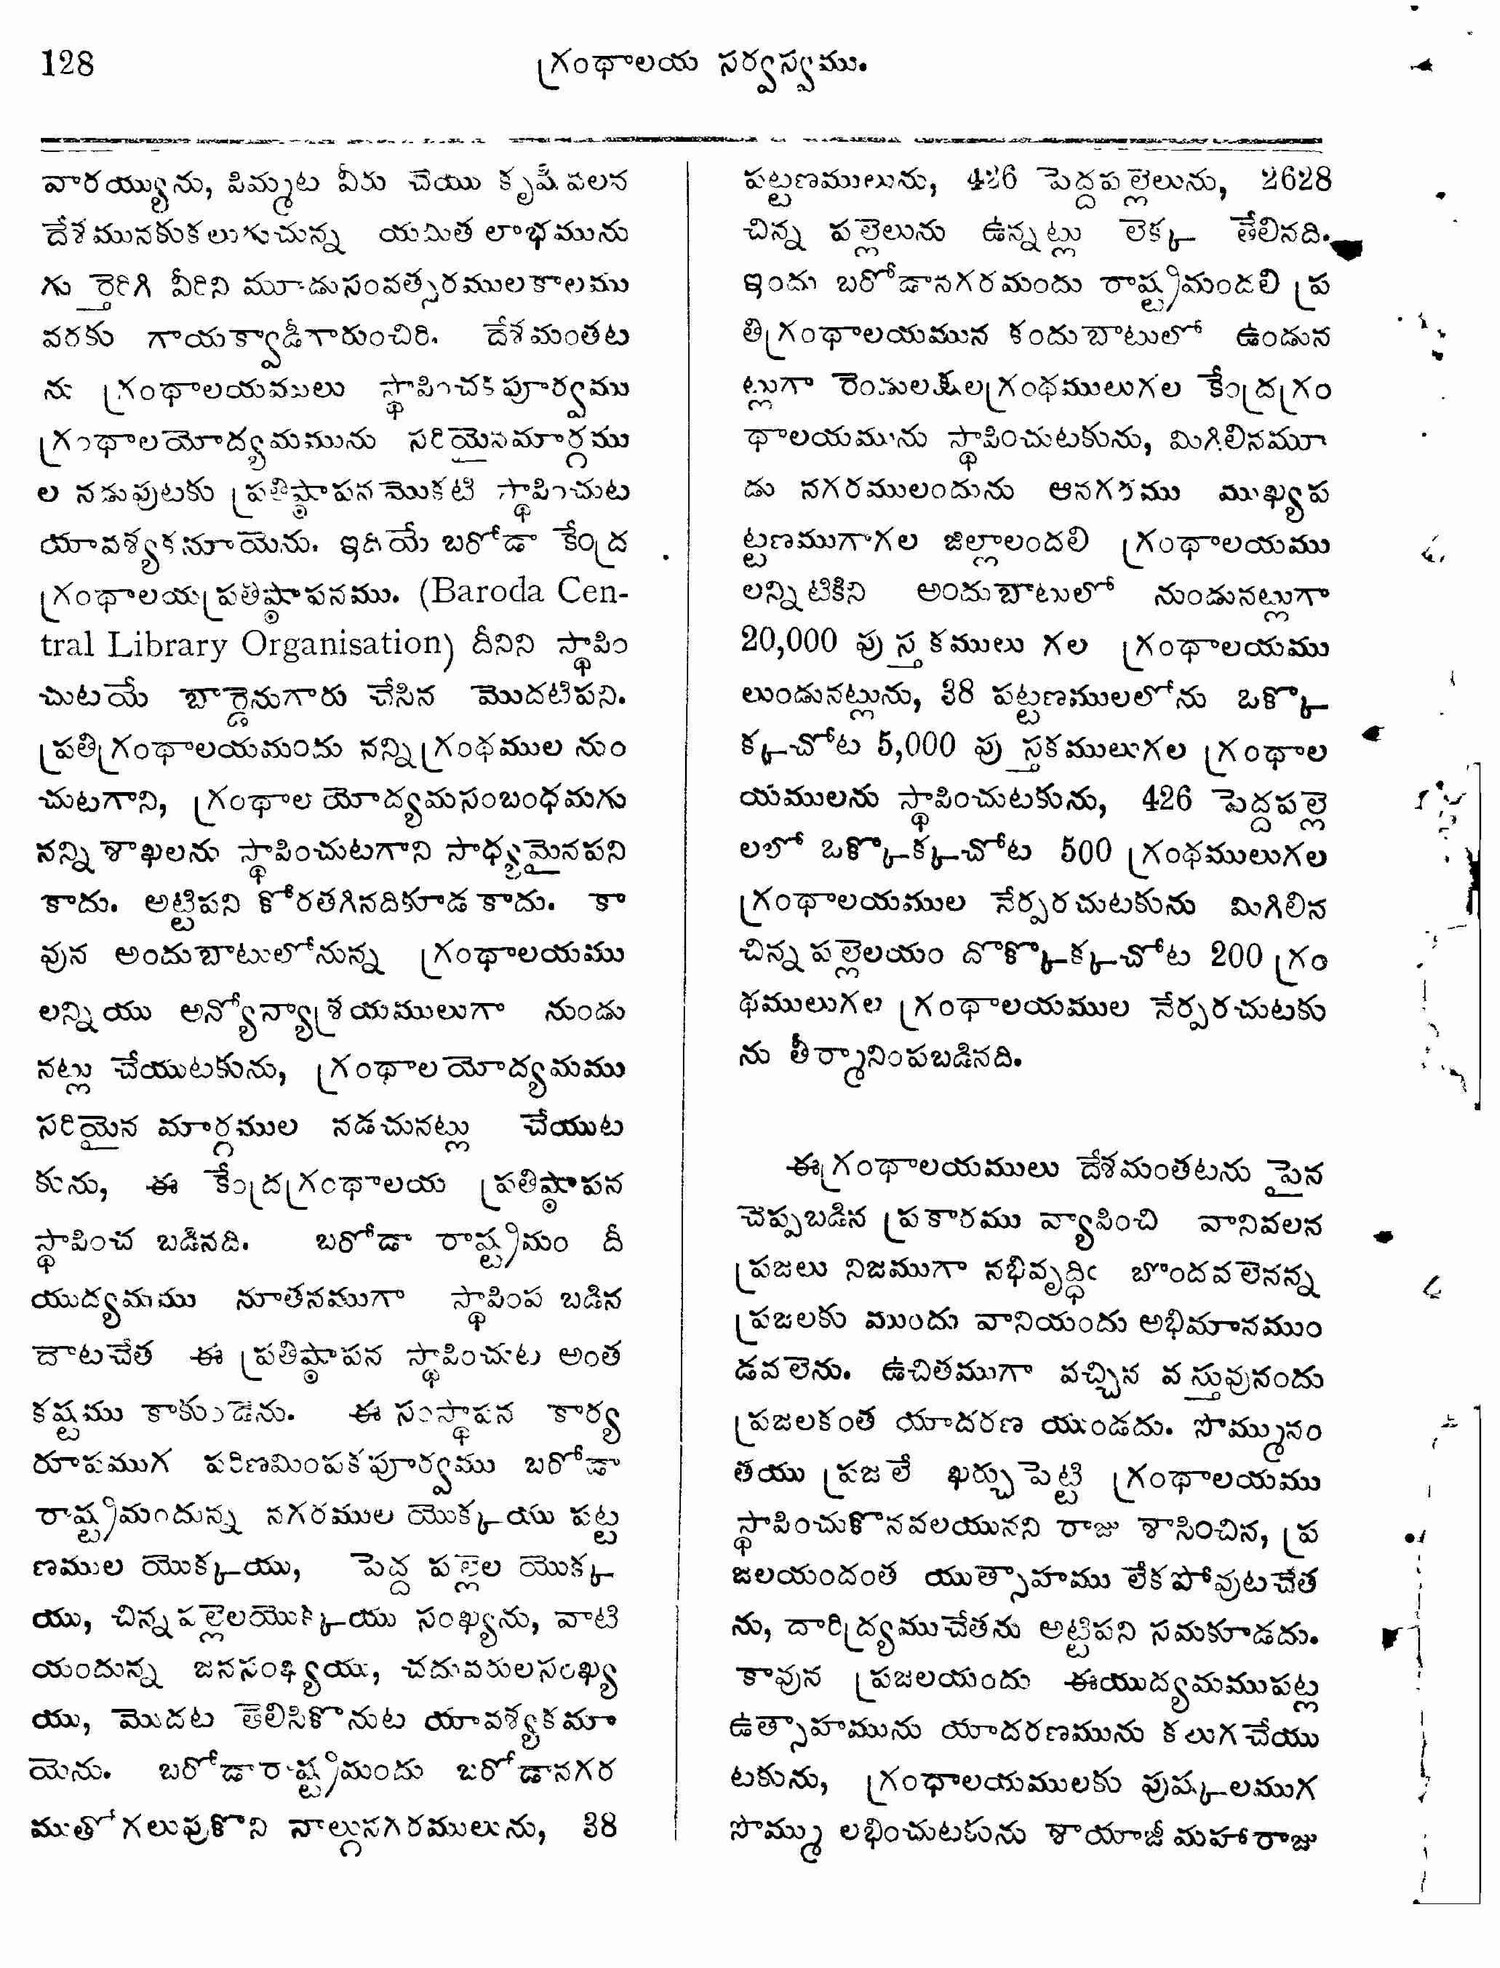వారయ్యును, పిమ్మట వీరు చేయు కృషి వలన
దేశమునకుకలుగుచున్న యమిత లాభమును
గురైరిగి వీరిని మూడు సంవత్సరముల కాలము
వరకు గాయక్వాడీ గారుంచిరి. దేశమంతటను గ్రంథాలయములు స్థాపించక పూర్వము
గ్రంథాలయోద్యమమును సరియైన మార్గముల నడుపుటకు ప్రతిష్ఠాపన మొకటి స్థాపించుట
యావశ్యక నూయెను. ఇదియే బరోడా కేంద్ర
గ్రంథాలయ ప్రతిష్ఠాపనము. (Baroda Central Library Organisation) దీనిని స్థాపించుటయే బార్డెనుగారు చేసిన మొదటిపని.
ప్రతి గ్రంథాలయమందునన్ని గ్రంథముల నుంచుటగాని, గ్రంథాల యోద్యమసంబంధమగు
నన్ని శాఖలను స్థాపించుటగాని సాధ్యమైనపని
కాదు. అట్టిపని కోరతగినది కూడ కాదు. కావున అందుబాటులోనున్న గ్రంథాలయములన్నియు అన్యోన్యాశ్రయములుగానట్లు చేయుటకును, గ్రంథాలయోద్యమము
సరియైన మార్గముల నడచునట్లు చేయుటకును, ఈ కేంద్రగ్రంథాలయ ప్రతిష్టాపన
స్థాపించబడినది. బరోడా రాష్ట్రమం దీయుద్యమము నూతనముగా
సాపింపబడినదౌటచేత ఈ ప్రతిష్ఠాపన స్థాపించుట అంత
కష్టము కాకుండెను.
ఈ సంస్థాపన కార్యరూపముగ పరిణమింపక పూర్వము బరోడా
రాష్ట్రమందున్న నగరముల యొక్కయు పట్టణముల యొక్కయు, పెద్ద పల్లెల యొక్కయు, చిన్న పల్లెలయొక్కయు సంఖ్యను, వాటియందున్న జనసంఖ్యయు, చదువరుల సంఖ్యయు, మొదట తెలిసికొనుట యావశ్యకమాయెను. బరోడా రాష్ట్రమందు బరోడానగరముతోగలుపుకొని నాల్గుసగరములును, 38 పట్టణములును, 46 పెద్దపల్లెలును, 2628 చిన్న పల్లెలును ఉన్నట్లు లెక్క తేలినది. ఇందు బరోడా నగరమందు రాష్ట్రమండలి ప్రతీ గ్రంథాలయమున కందుబాటులో ఉండునట్లుగా రెండులక్షలగ్రంథములుగల కేంద్ర గ్రంథాలయమును స్థాపించుటకును, మిగిలినమూడు నగరములందును ఆనగరము ముఖ్యపట్టణముగాగల జిల్లాలందలి గ్రంథాలయములన్నిటికిని అందుబాటులో నుండునట్లుగా
20,000 పుస్తకములు గల గ్రంథాలయములుండునట్లును, 38 పట్టణములలోను ఒక్కొక్కచోట 5,000 పుస్తకములుగల గ్రంథాలయములను స్థాపించుటకును, 426 పెద్దపల్లెలలో ఒక్కొక్కచోట 500 గ్రంథములుగల
గ్రంథాలయముల నేర్పరచుటకును మిగిలిన
చిన్న పల్లెలయం దొక్కొక్కచోట 200 గ్రంథములుగల గ్రంథాలయముల నేర్పరచుటకును తీర్మానింపబడినది.

ఈగ్రంథాలయములు దేశమంతటను పైన చెప్పబడిన ప్రకారము వ్యాపించి వానివలన ప్రజలు నిజముగా నభివృద్ధిఁ బొందవలెనన్న ప్రజలకు ముందు వానియందు అభిమానముండవలెను. ఉచితముగా వచ్చిన వస్తువునందు ప్రజలకంత యాదరణ యుండదు. సొమ్మునంతయు ప్రజలే ఖర్చు పెట్టి గ్రంథాలయము స్థాపించుకొనవలయునని రాజు శాసించిన, ప్రజలయందంత యుత్సాహము లేక పోవుట చేతను, దారిద్ర్యముచేతను అట్టిపని సమకూడదు. కావున ప్రజలయందు ఈయుద్యమముపట్ల ఉత్సాహమును యాదరణమును కలుగచేయుటకును, గ్రంధాలయములకు పుష్కలముగ సొమ్ము లభించుటకును శాయాజీ మహారాజుు